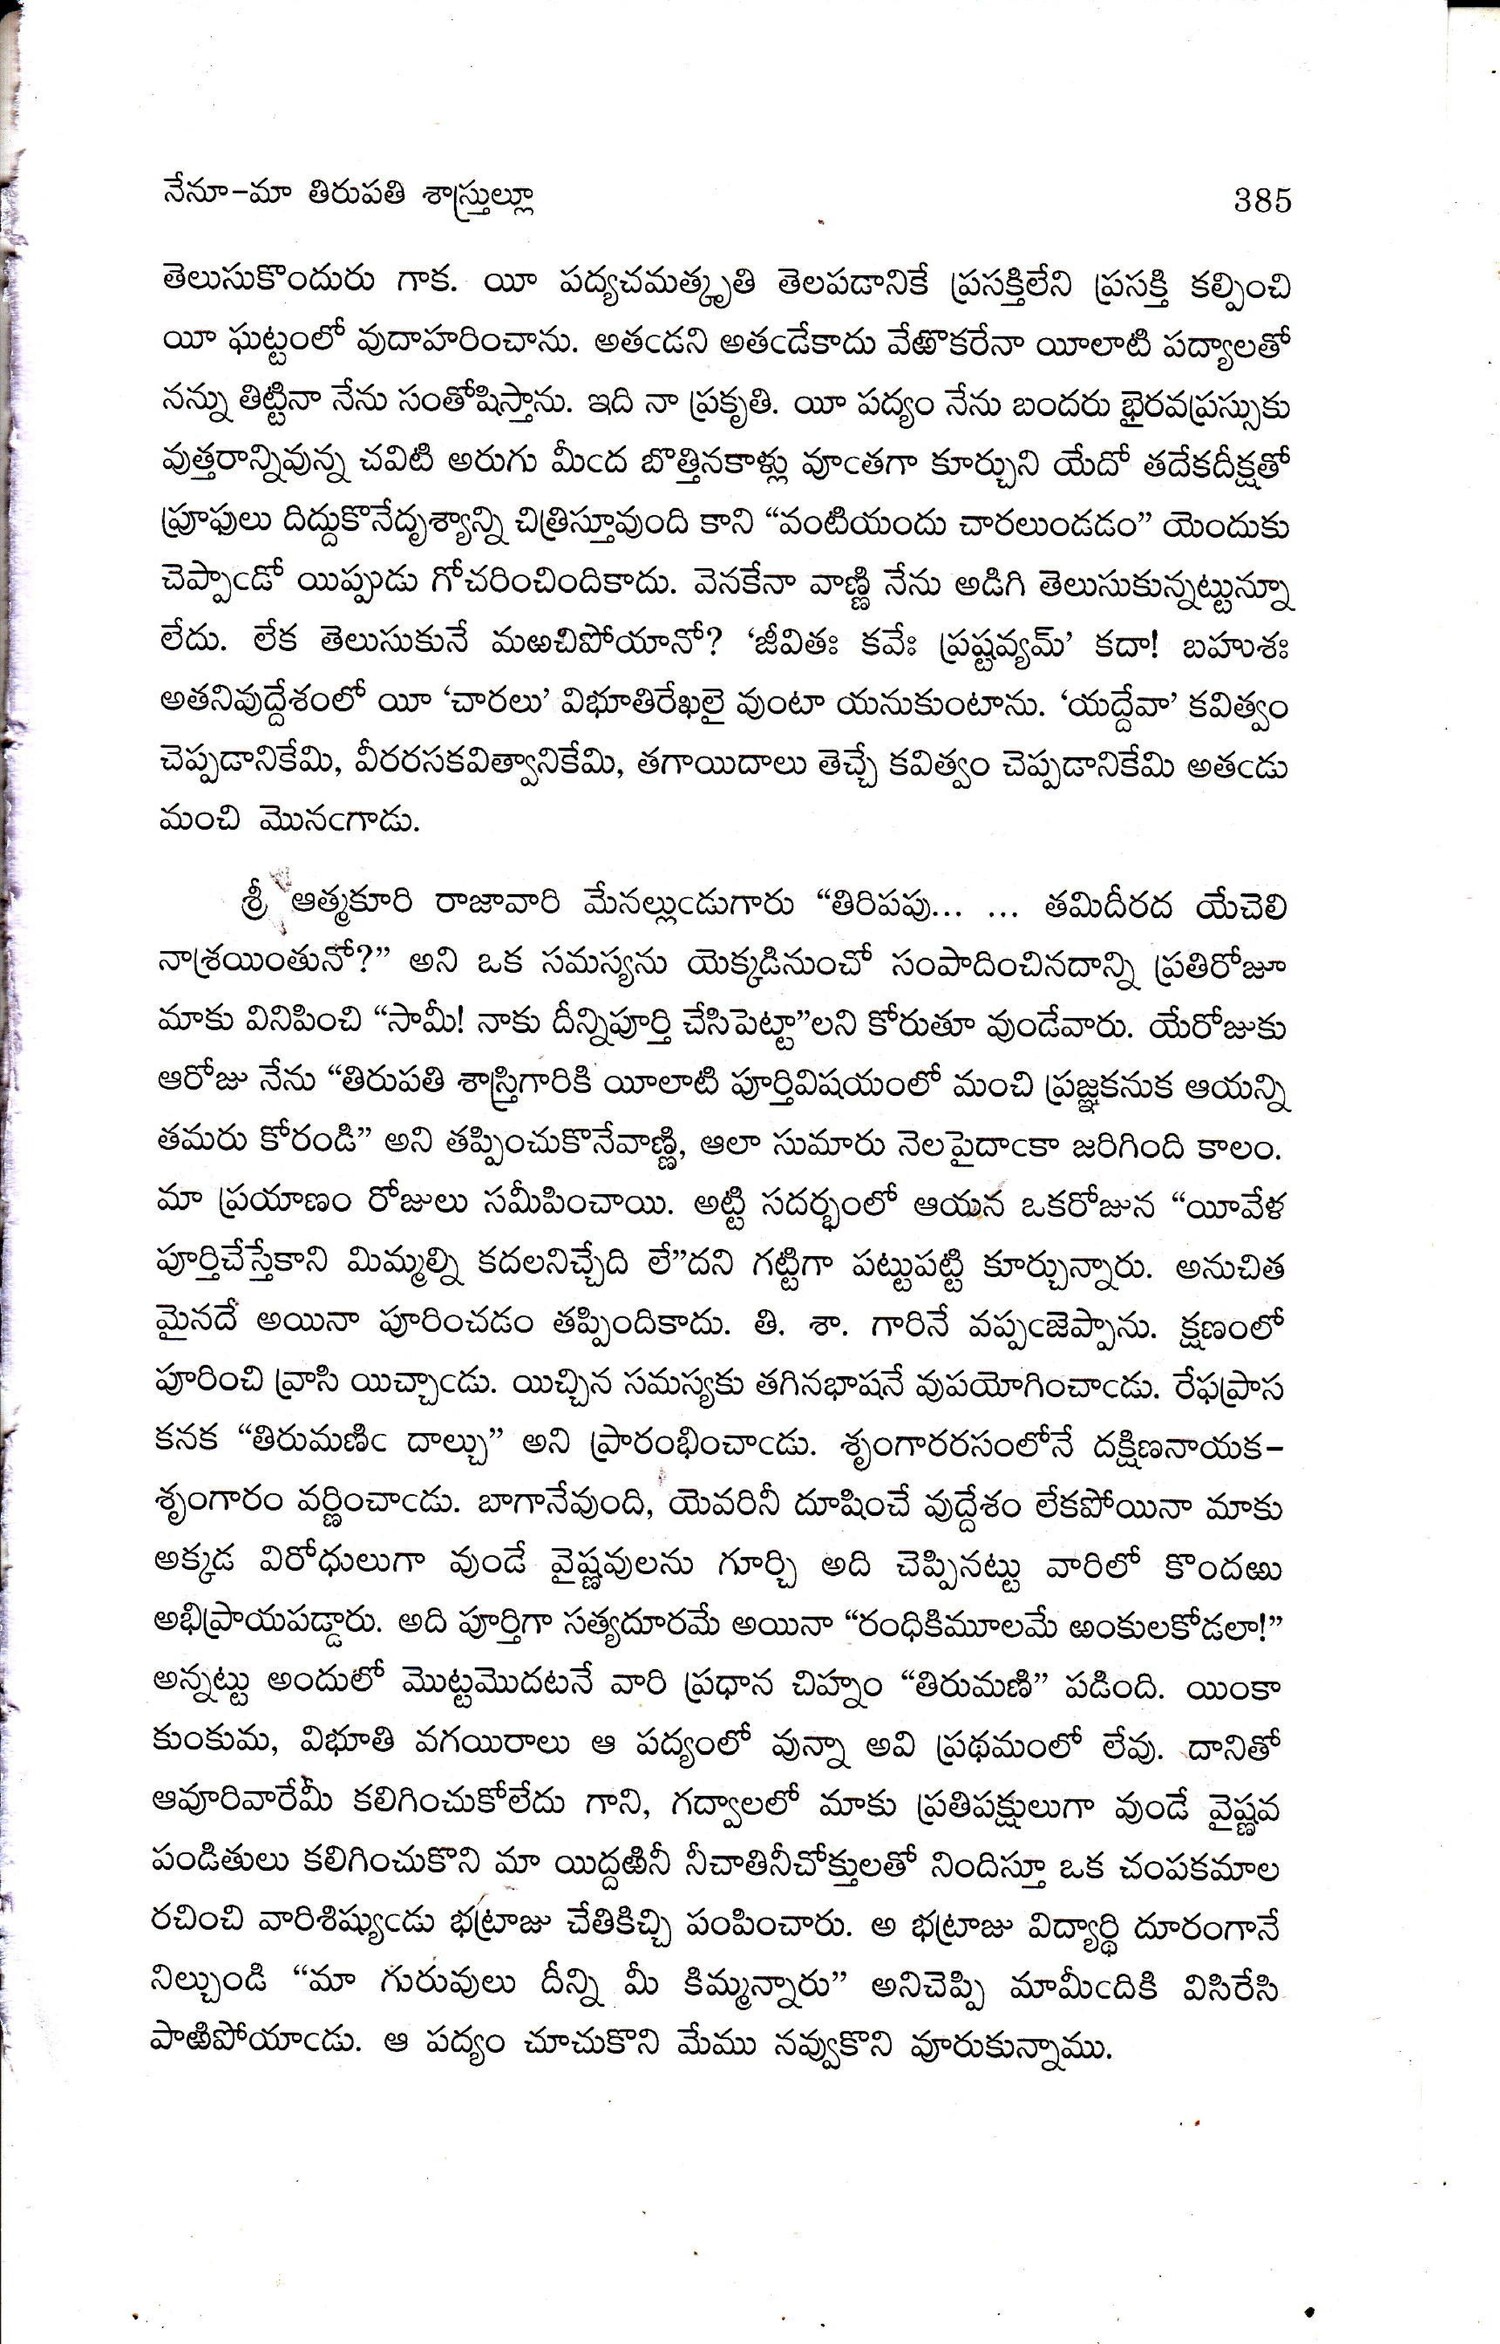తెలుసుకొందురు గాక. యీ పద్యచమత్కృతి తెలపడానికే ప్రసక్తిలేని ప్రసక్తి కల్పించి యీ ఘట్టంలో వుదాహరించాను. అతఁడని అతఁడేకాదు వేఱొకరేనా యీలాటి పద్యాలతో నన్ను తిట్టినా నేను సంతోషిస్తాను. ఇది నా ప్రకృతి. యీ పద్యం నేను బందరు భైరవప్రస్సుకు వుత్తరాన్నివున్న చవిటి అరుగు మీఁద బొత్తినకాళ్లు వూఁతగా కూర్చుని యేదో తదేకదీక్షతో ప్రూఫులు దిద్దుకొనేదృశ్యాన్ని చిత్రిస్తూవుంది కాని “వంటియందు చారలుండడం" యెందుకు చెప్పాఁడో యిప్పుడు గోచరించిందికాదు. వెనకేనా వాణ్ణి నేను అడిగి తెలుసుకున్నట్టున్నూ లేదు. లేక తెలుసుకునే మఱచిపోయానో? 'జీవితః కవేః ప్రష్టవ్యమ్‌' కదా! బహుశః అతనివుద్దేశంలో యీ 'చారలు' విభూతిరేఖలై వుంటా యనుకుంటాను. 'యద్దేవా' కవిత్వం చెప్పడానికేమి, వీరరసకవిత్వానికేమి, తగాయిదాలు తెచ్చే కవిత్వం చెప్పడానికేమి అతఁడు మంచి మొనcగాడు.

శ్రీ ఆత్మకూరి రాజావారి మేనల్లుఁడుగారు "తిరిపపు. ... తమిదీరద యేచెలి నాశ్రయింతునో?" అని ఒక సమస్యను యొక్కడినుంచో సంపాదించినదాన్ని ప్రతిరోజూ మాకు వినిపించి "సామీ! నాకు దీన్నిపూర్తి చేసిపెట్టాలని కోరుతూ వుండేవారు. యేరోజుకు ఆరోజు నేను "తిరుపతి శాస్త్రిగారికి యీలాటి పూర్తివిషయంలో మంచి ప్రజ్ఞకనుక ఆయన్ని తమరు కోరండి" అని తప్పించుకొనేవాణ్ణి, ఆలా సుమారు నెలపైదాఁకా జరిగింది కాలం. మా ప్రయాణం రోజులు సమీపించాయి. అట్టి సదర్భంలో ఆయన ఒకరోజున “యీవేళ పూర్తిచేస్తేకాని మిమ్మల్ని కదలనిచ్చేది లే"దని గట్టిగా పట్టుపట్టి కూర్చున్నారు. అనుచితమైనదే అయినా పూరించడం తప్పిందికాదు. తి. శా. గారినే వప్పఁజెప్పాను. క్షణంలో పూరించి వ్రాసి యిచ్చాఁడు. యిచ్చిన సమస్యకు తగినభాషనే వుపయోగించాఁడు. రేఫప్రాస కనక “తిరుమణిఁ దాల్చు" అని ప్రారంభించాఁడు. శృంగారరసంలోనే దక్షిణనాయకశృంగారం వర్ణించాఁడు. బాగానేవుంది, యెవరినీ దూషించే వుద్దేశం లేకపోయినా మాకు అక్కడ విరోధులుగా వుండే వైష్ణవులను గూర్చి అది చెప్పినట్టు వారిలో కొందఱు అభిప్రాయపడ్డారు. అది పూర్తిగా సత్యదూరమే అయినా “రంధికిమూలమే ఱంకులకోడలా!" అన్నట్టు అందులో మొట్టమొదటనే వారి ప్రధాన చిహ్నం ‘తిరుమణి" పడింది. యింకా కుంకుమ, విభూతి వగయిరాలు ఆ పద్యంలో వున్నా అవి ప్రథమంలో లేవు. దానితో ఆవూరివారేమీ కలిగించుకోలేదు గాని, గద్వాలలో మాకు ప్రతిపక్షులుగా వుండే వైష్ణవ పండితులు కలిగించుకొని మా యిద్దఱినీ నీచాతినీచోక్తులతో నిందిస్తూ ఒక చంపకమాల రచించి వారిశిష్యుఁడు భట్రాజు చేతికిచ్చి పంపించారు. అ భట్రూజు విద్యార్థి దూరంగానే నిల్చుండి "మా గురువులు దీన్ని మీ కిమ్మన్నారు" అనిచెప్పి మామీఁదికి విసిరేసి పాటిపోయాఁడు. ఆ పద్యం చూచుకొని మేము నవ్వుకొని వూరుకున్నాము.